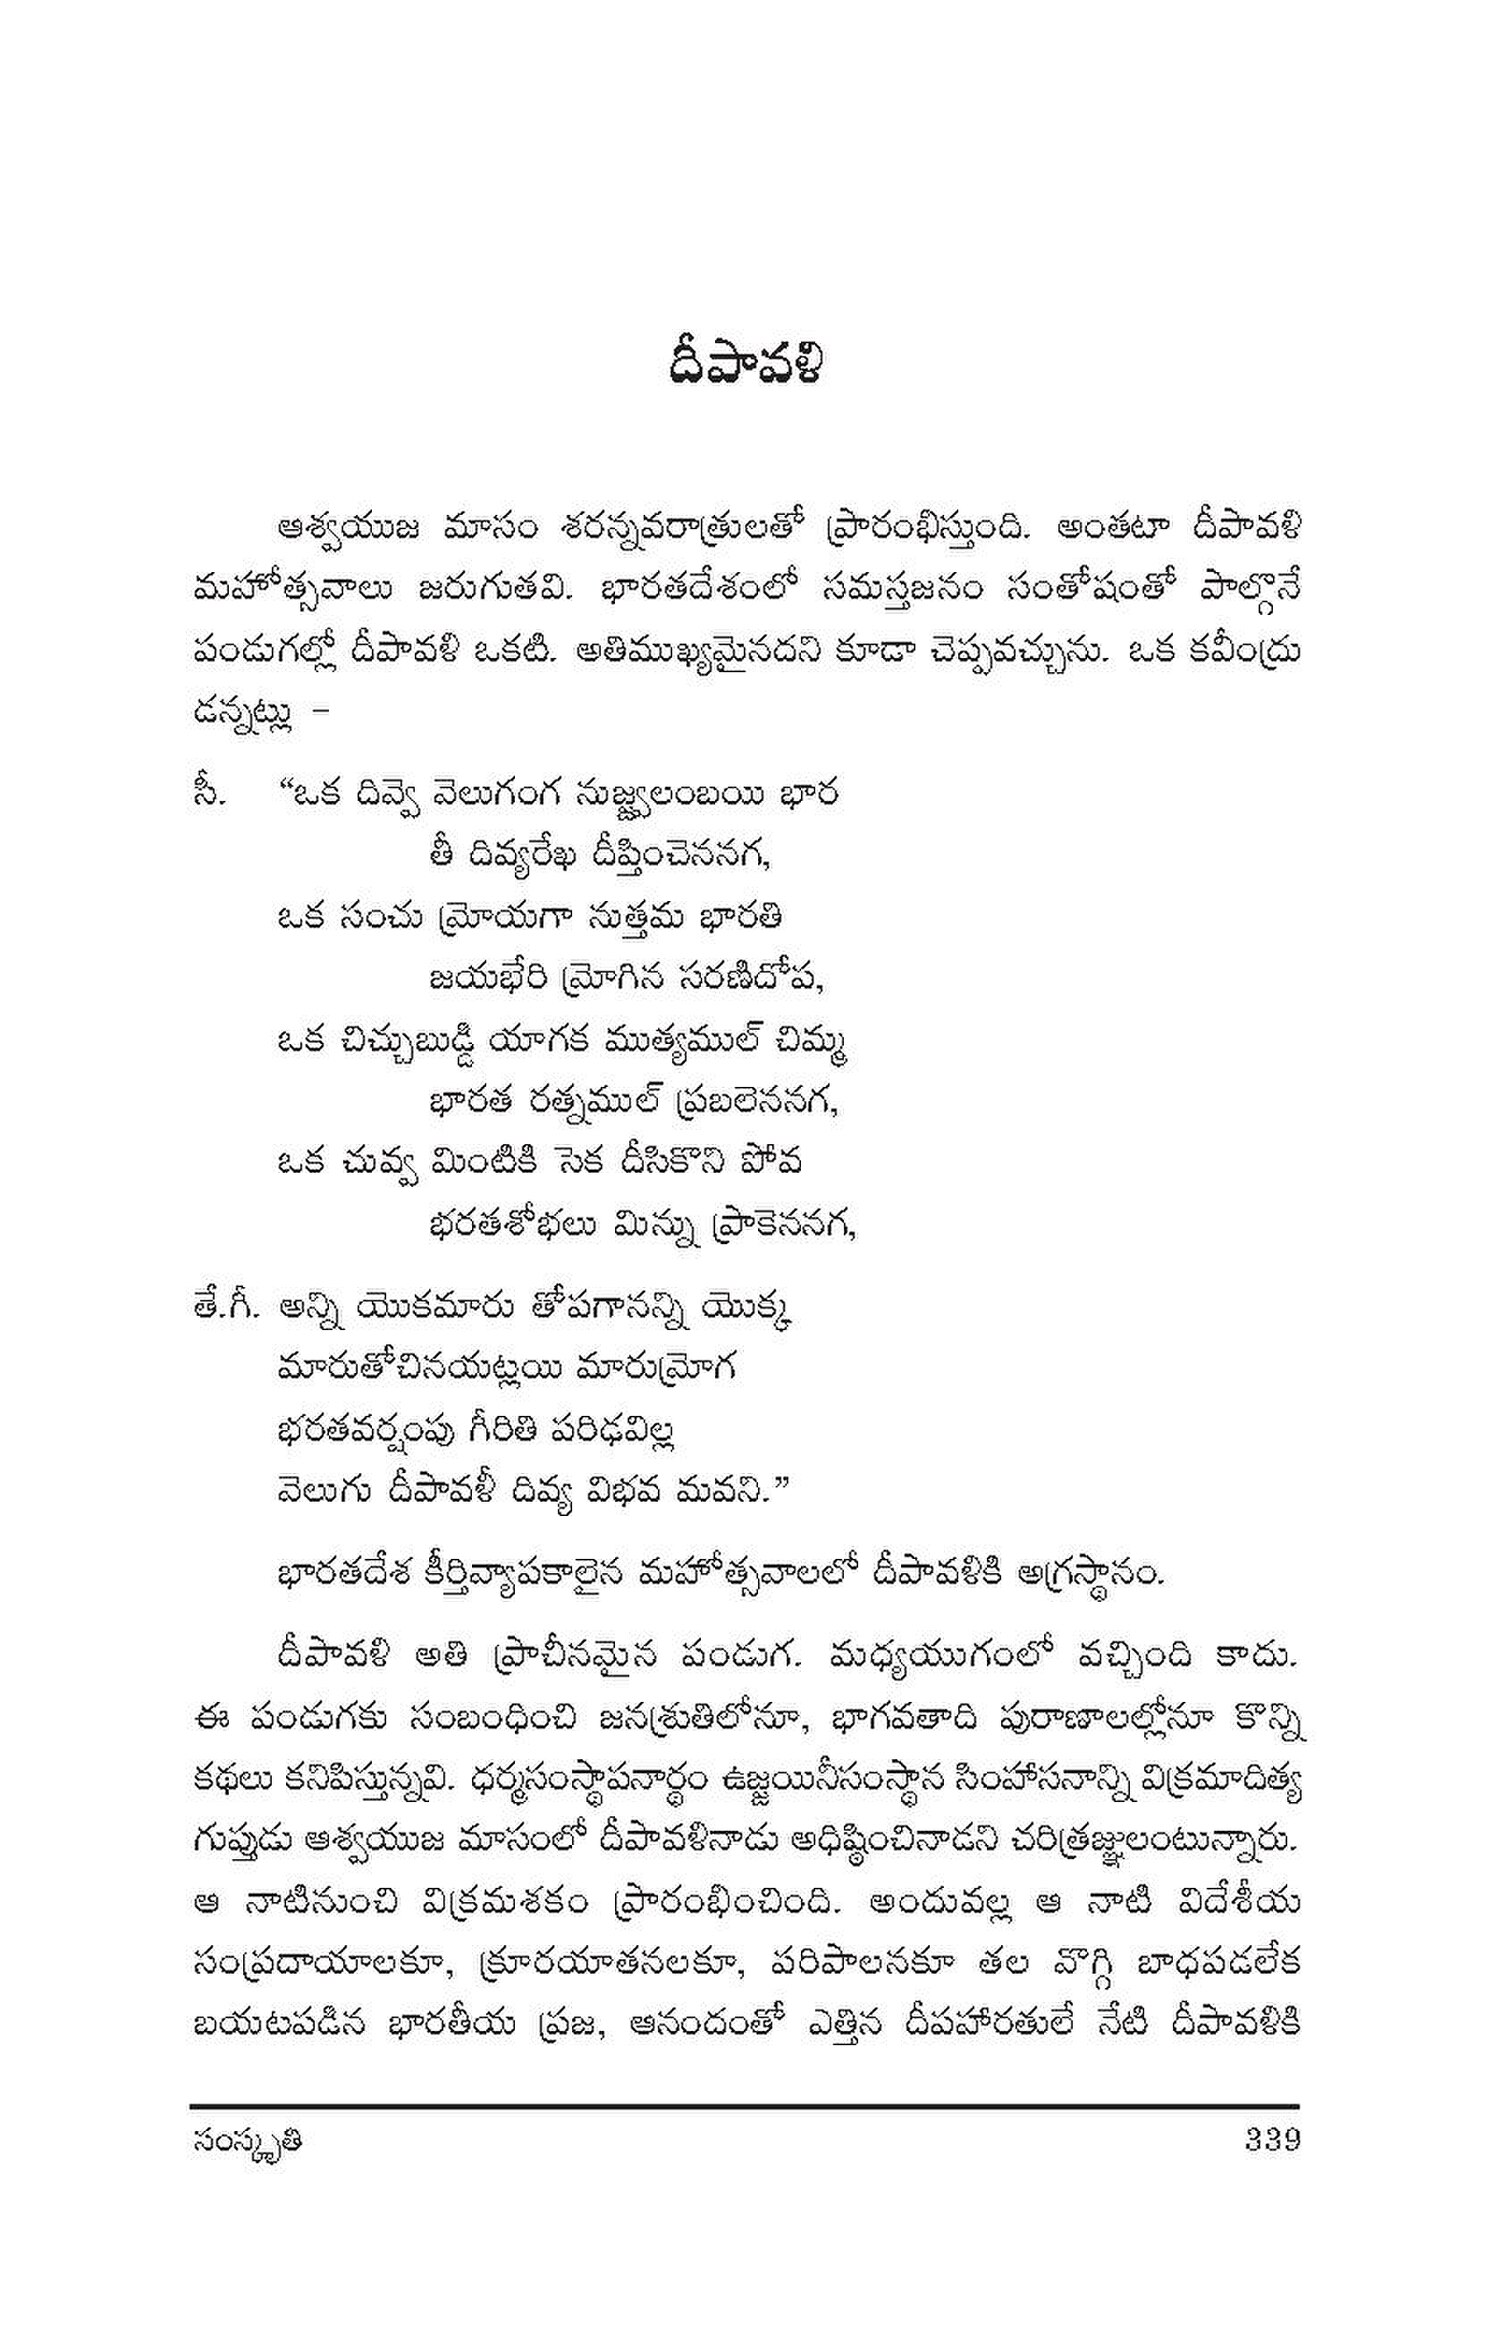ఆశ్వయుజ మాసం శరన్నవరాత్రులతో ప్రారంభిస్తుంది. అంతటా దీపావళి
మహోత్సవాలు జరుగుతవి. భారతదేశంలో సమస్తజనం సంతోషంతో పాల్గొనే
పండుగల్లో దీపావళి ఒకటి. అతిముఖ్యమైనదని కూడా చెప్పవచ్చును. ఒక కవీంద్రు
డన్నట్లు.

 సీ. "ఒక దివ్వె వెలుగంగ నుజ్జ్వలంబయి భార
 తీ దివ్యరేఖ దీప్తించెననగ,
 ఒక సంచు మ్రోయగా నుత్తమ భారతి
 జయభేరి మ్రోగిన సరణిదోప,
 ఒక చిచ్చుబుడ్డి యాగక ముత్యముల్ చిమ్మ
 భారత రత్నముల్ ప్రబలెననగ,
 ఒక చువ్వ మింటికి సెక దీసికొని పోవ
 భరతశోభలు మిన్ను ప్రాకెననగ,

 తే.గీ. అన్ని యొకమారు తోపగానన్ని యొక్క
 మారుతోచినయట్లయి మారుమ్రోగ
 భరతవర్షంపు గీరితి పరిఢవిల్ల
 వెలుగు దీపావళీ దివ్య విభవ మవని.”

భారతదేశ కీర్తివ్యాపకాలైన మహోత్సవాలలో దీపావళికి అగ్రస్థానం.

దీపావళి అతి ప్రాచీనమైన పండుగ. మధ్యయుగంలో వచ్చింది కాదు.
ఈ పండుగకు సంబంధించి జనశ్రుతిలోనూ, భాగవతాది పురాణాలల్లోనూ కొన్ని
కథలు కనిపిస్తున్నవి. ధర్మసంస్థాపనార్థం ఉజ్జయినీసంస్థాన సింహాసనాన్ని విక్రమాదిత్య
గుప్తుడు ఆశ్వయుజ మాసంలో దీపావళినాడు అధిష్ఠించినాడని చరిత్రజ్ఞులంటున్నారు.
ఆ నాటినుంచి విక్రమశకం ప్రారంభించింది. అందువల్ల ఆ నాటి విదేశీయ
సంప్రదాయాలకూ, క్రూరయాతనలకూ, పరిపాలనకూ తల వొగ్గి బాధపడలేక
బయటపడిన భారతీయ ప్రజ, ఆనందంతో ఎత్తిన దీపహారతులే నేటి దీపావళికి